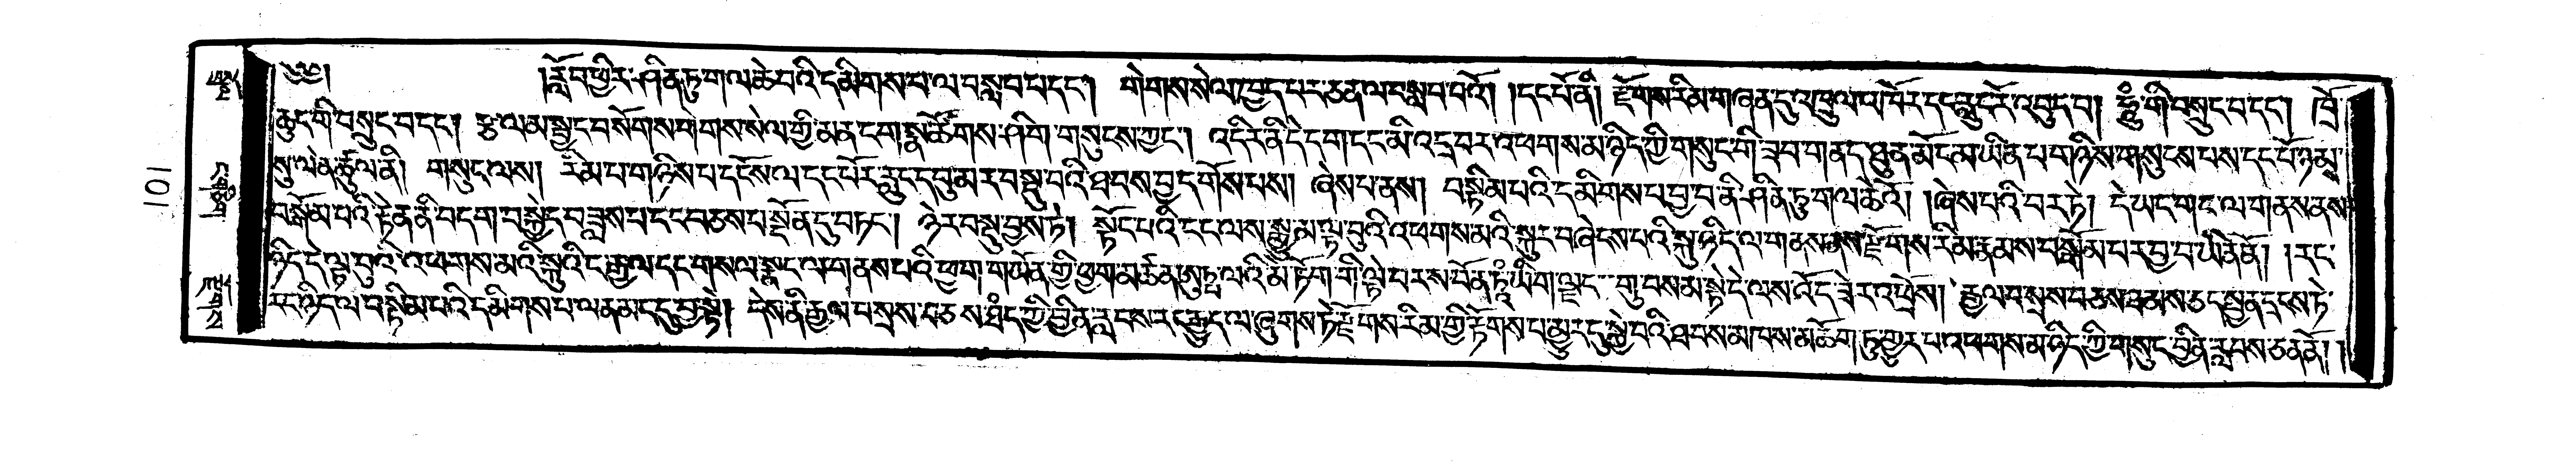༄༅། །རློབ་ཕྱིར་ཤིན་ཏུ་གལ་ཆེ་བའི་དམིགས་པ་ལ་བསླབ་པ་དང་། གེགས་སེལ་ཁྱད་པར་ཅན་ལ་བསླབ་པའོ། །དང་པོ་ནི། རྫོགས་རིམ་གཞན་དུ་འཁྲུལ་འཁོར་དང་རླུང་རོ་འབུད་པ། ཧཱུཾ་གི་བསྲུང་བ་དང་། ཁྲོ་
ཆུང་གི་བསྲུང་བ་དང་། རྩ་ལམ་སྤྱང་བ་སོགས་གགས་སེལ་གྱི་མན་ངག་སྣ་ཚོགས་ཤིག་གསུངས་ཀྱང་། འདིར་ནི་དེ་དག་དང་མི་འདྲ་བར་འཕགས་མ་ཉིད་ཀྱི་གསུང་གི་ཟབ་གནད་ཐུན་མོང་མ་ཡིན་པ་གཉིས་གསུངས་པས་དང་པོ་ཏ་མས་
སུ་ལེན་ཚུལ་ནི། གསུང་ལས། རིམ་པ་གཉིས་པ་དངོས་ལ་དང་པོར་རླུང་དབུ་མར་བསྡུ་པའི་ཐབས་བྱ་དགོས་པས། ཞེས་པ་ནས། བསྟིམ་པའི་དམིགས་པ་བྱ་བ་ནི་ཤིན་ཏུ་གལ་ཆེའོ། །ཞེས་པའི་བར་ཏེ། དེ་ཡང་གང་ལ་གནས་ནས་
བསྒོམ་པའི་རྟེན་ནི་བདག་བསྐྱེད་བཟླས་པ་དང་བཅས་པ་སྔོན་དུ་བཏང་། ཉེར་བསྡུ་བྱས་ཏེ། སྟོང་པའི་ངང་ལས་སྒྱུ་མ་ལྟ་བུའི་འཕགས་མའི་སྐུར་བཞེངས་པའི་སྐུ་ཉིད་ལ་གནས་ནས་རྫོགས་རིམ་རྣམས་བསྒོམ་པར་བྱ་བ་ཡིན་ནོ། །རང་
ཉིད་དེ་ལྟ་བུའི་འཕགས་མའི་སྐུའི་ང་རྒྱལ་དང་གསལ་སྣང་ལ་གནས་པའི་ཕྱག་གཡོན་གྱི་ཕྱག་མཚན་ཨུཏྤ་ལའི་མེ་ཏོག་གི་ལྟེ་བར་ས་བོན་ཏཱཾ་ཡིག་ལྗང་གུ་བས་མ་སྟེ་དེ་ལས་འོད་ཟེར་འཕྲོས། རྒྱལ་བསྲས་བཅས་ཐམས་ཅད་སྤྱན་དྲངས་ཏེ་
རང་ཉིད་ལ་བསྟིམ་པའི་དམིགས་པ་ལན་མང་དུ་བྱ་སྟེ། དེས་ནི་རྒྱལ་བ་སྲས་བཅས་ཐིད་ཀྱི་བྱིན་རླབས་རང་རྒྱུད་ལ་ཞུགས་ཏེ་རྫོགས་རིམ་གྱི་རྟོགས་པ་མྱུར་དུ་སྐྱེ་བའི་ཐབས་མཁས་མཆོག་ཏུ་གྱུར་པ་འཕགས་མ་ཉིད་ཀྱི་གསུང་བྱིན་རླབས་ཅན་ནོ། །